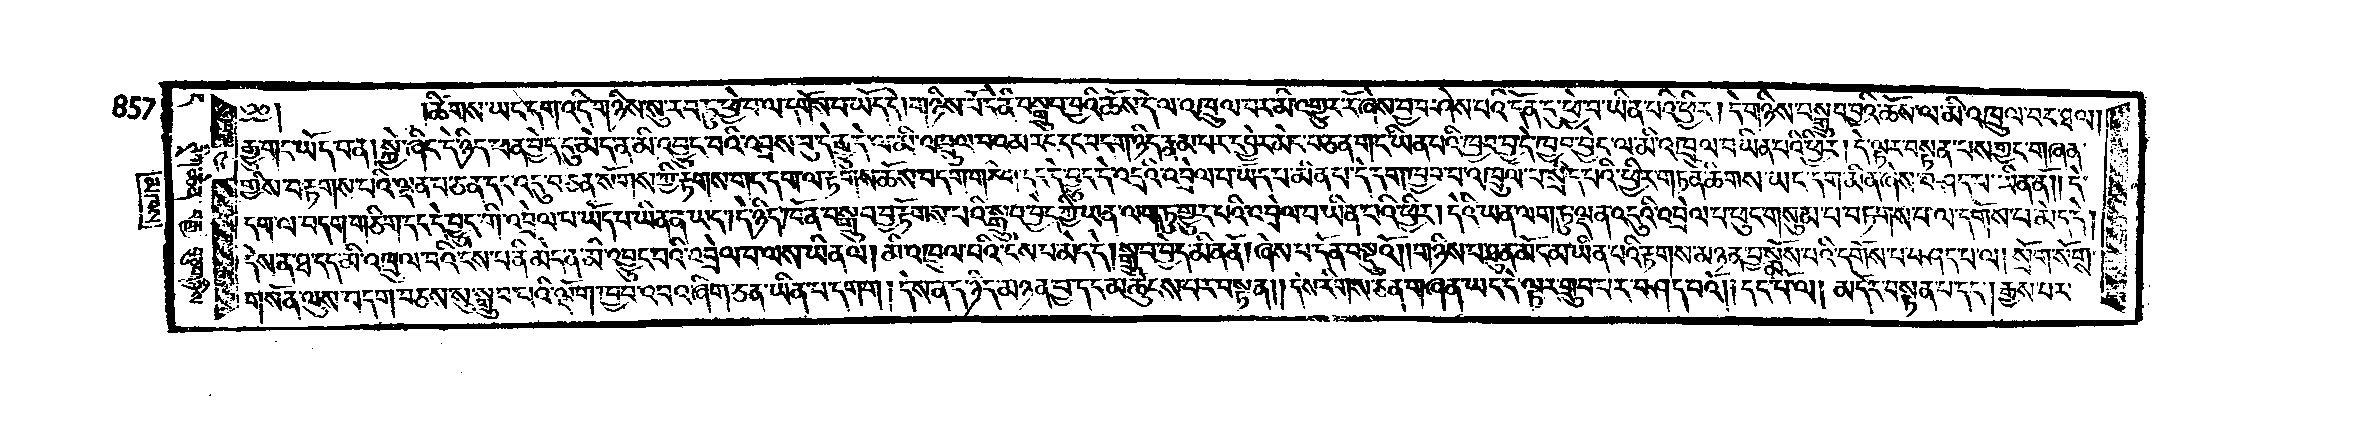༄༅། །ཚིགས་ཡང་དག་འདི་གཉིས་སུ་རབ་ཏུ་ཕྱེ་བ་ལ་དགོས་པ་ཡོད་དེ། གཉིས་པོ་དེ་ནི་བསྒྲུབ་བྱའི་ཆོས་དེ་ལ་འཁྲུལ་བར་མི་འགྱུར་རོ་ཞེས་བྱ་བ་ཤེས་པའི་དོན་དུ་ཕྱེ་བ་ཡིན་པའི་ཕྱིར། དེ་གཉིས་བསྒྲུབ་བྱའི་ཆོས་ལ་མི་འཁྲུལ་བར་ཐལ།
རྒྱུ་གང་ཡོད་པ་ན། སྐྱེ་ཞིང་དེ་ཉིད་ཕན་བྱེད་དུ་མེད་ན་མི་འབྱུང་བའི་འབྲས་བུ་དེ་རྒྱུ་དེ་ལ་མི་འཁྲུལ་བའམ་རང་དང་བདག་ཉིད་རྣམ་པར་དབྱེར་མེད་པ་ཅན་གང་ཡིན་པའི་ཁྱབ་བྱ་དེ་ཁྱབ་བྱེད་ལ་མི་འཁྲུལ་བ་ཡིན་པའི་ཕྱིར། དེ་ལྟར་བསྟན་པས་ཀྱང་གཞན་
གྱིས་བརྟགས་པའི་ལྡན་པ་ཅན་དང་འདུ་བ་ཅན་སོགས་ཀྱི་རྟགས་གང་དག་ལ་རྟགས་ལ་ཆོས་བདག་གཅིག་དང་དེ་བྱུང་དེ་འདྲའི་འབྲེལ་པ་ཡོད་པ་མིན་པ་དེ་དག་ཁྱབ་པ་འཁྲུལ་པ་སྲིད་པའི་ཕྱིར་གཏན་ཚིགས་ཡང་དག་མིན་ཞེས་བཤད་པ་ཡིན་ནོ། །དེ་
དག་ལ་བདག་གཅིག་དང་དེ་བྱུང་གི་འབྲེལ་པ་ཡོད་པ་ཡིན་ན་ཡང་། དེ་ཉིད་ཁོ་ན་བསྒྲུབ་བྱ་རྟོགས་པའི་སྒྲུབ་བྱེད་ཀྱི་ཡན་ལག་ཏུ་གྱུར་པའི་འབྲེལ་བ་ཡིན་པའི་ཕྱིར། དེའི་ཡན་ལག་ཏུ་ལྡན་འདུའི་འབྲེལ་པ་ཕུང་གསུམ་པ་བཏགས་པ་ལ་དགོས་པ་མེད་དེ་
དེས་ན་ཐ་དད་མི་འཁྲུལ་པའི་ངེས་པ་ནི་མེད་ན་མི་འབྱུང་བའི་འབྲེལ་བ་ལས་ཡིན་ལ། མི་འཁྲུལ་པའི་ངེས་པ་མེད་དེ། སྒྲུབ་བྱེད་མིན་ནོ། ཞེས་པ་དོན་བསྡུའོ། །གཉིས་པ་ཐུན་མོང་མ་ཡིན་པའི་རྟགས་མཉན་བྱ་སྨོས་པའི་དགོས་པ་བཤད་པ་ལ། སྲོག་སོགས་
གསོན་ལུས་བདག་བཅས་སུ་སྒྲུབ་པའི་ལྡོག་ཁྱབ་འབའ་ཞིག་ཅན་ཡིན་པ་དགག །དེས་ན་དེ་ཉིད་མཉན་བྱ་དང་མཚུངས་པར་བསྟན། དེས་རིགས་ཅན་གཞན་ཡང་དེ་ལྟར་གྲུབ་པར་བཤད་པའོ། །དང་པོ་ལ། མདོར་བསྟན་པ་དང་། རྒྱས་པར་